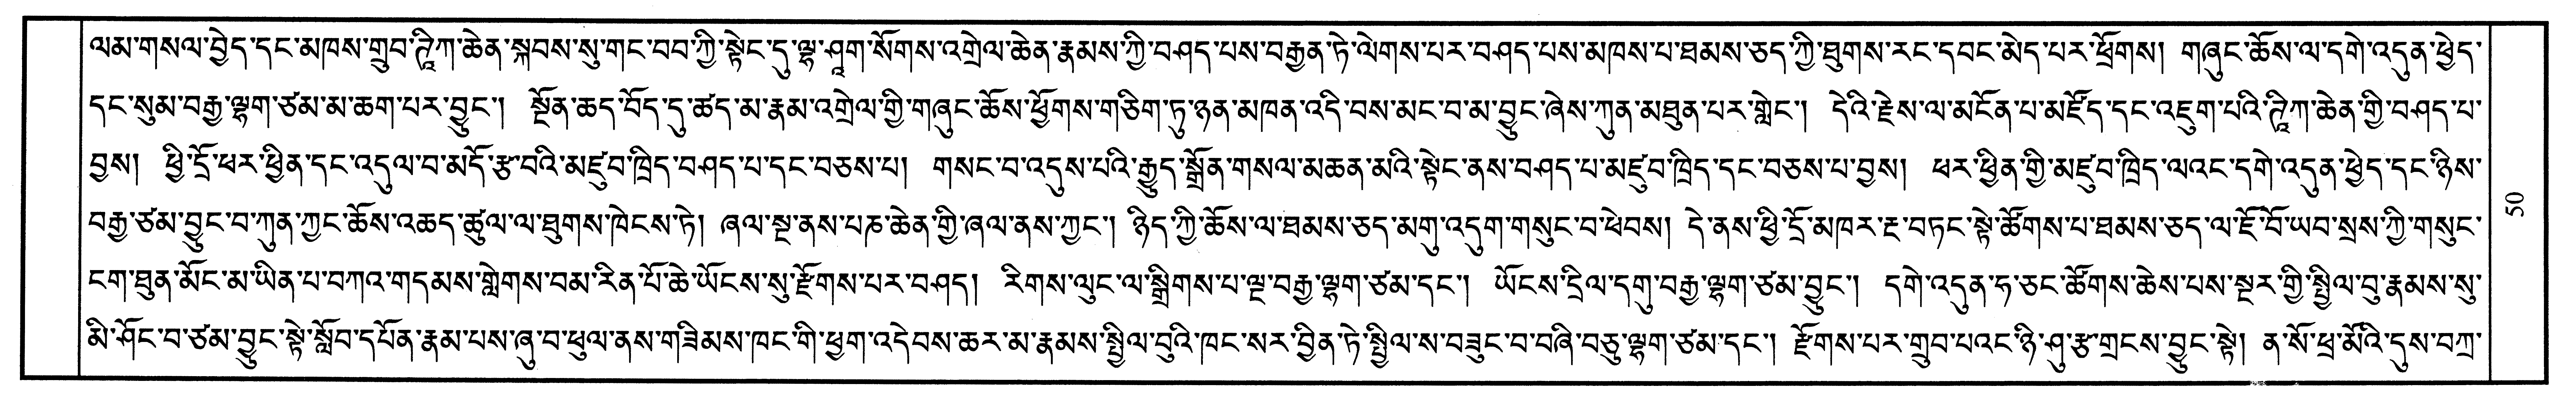ལམ་གསལ་བྱེད་དང་མཁས་གྲུབ་ཊཱིཀ་ཆེན་སྐབས་སུ་གང་བབ་ཀྱི་སྟེང་དུ་ལྷ་ཤཱག་སོགས་འགྲེལ་ཆེན་རྣམས་ཀྱི་བཤད་པས་བརྒྱན་ཏེ་ལེགས་པར་བཤད་པས་མཁས་པ་ཐམས་ཅད་ཀྱི་ཐུགས་རང་དབང་མེད་པར་ཕྲོགས། གཞུང་ཆོས་ལ་དགེ་འདུན་ཕྱེད་
དང་སུམ་བརྒྱ་ལྷག་ཙམ་མ་ཆག་པར་བྱུང་། སྔོན་ཆད་བོད་དུ་ཚད་མ་རྣམ་འགྲེལ་གྱི་གཞུང་ཆོས་ཕྱོགས་གཅིག་ཏུ་ཉན་མཁན་འདི་བས་མང་བ་མ་བྱུང་ཞེས་ཀུན་མཐུན་པར་གླེང་། དེའི་རྗེས་ལ་མངོན་པ་མཛོད་དང་འཇུག་པའི་ཊཱིཀ་ཆེན་གྱི་བཤད་པ་
བྱས། ཕྱི་དྲོ་ཕར་ཕྱིན་དང་འདུལ་བ་མདོ་རྩ་བའི་མཛུབ་ཁྲིད་བཤད་པ་དང་བཅས་པ། གསང་བ་འདུས་པའི་རྒྱུད་སྒྲོན་གསལ་མཆན་མའི་སྟེང་ནས་བཤད་པ་མཛུབ་ཁྲིད་དང་བཅས་པ་བྱས། ཕར་ཕྱིན་གྱི་མཛུབ་ཁྲིད་ལའང་དགེ་འདུན་ཕྱེད་དང་ཉིས་
བརྒྱ་ཙམ་བྱུང་བ་ཀུན་ཀྱང་ཆོས་འཆད་ཚུལ་ལ་ཐུགས་ཁེངས་ཏེ། ཞལ་སྔ་ནས་པཎ་ཆེན་གྱི་ཞལ་ནས་ཀྱང་། ཉིད་ཀྱི་ཆོས་ལ་ཐམས་ཅད་མགུ་འདུག་གསུང་བ་ཕེབས། དེ་ནས་ཕྱི་དྲོ་མཁར་རྔ་བཏང་སྟེ་ཚོགས་པ་ཐམས་ཅད་ལ་ཇོ་བོ་ཡབ་སྲས་ཀྱི་གསུང་
ངག་ཐུན་མོང་མ་ཡིན་པ་བཀའ་གདམས་གླེགས་བམ་རིན་པོ་ཆེ་ཡོངས་སུ་རྫོགས་པར་བཤད། རིགས་ལུང་ལ་སྒྲིགས་པ་ལྔ་བརྒྱ་ལྷག་ཙམ་དང་། ཡོངས་དྲིལ་དགུ་བརྒྱ་ལྷག་ཙམ་བྱུང་། དགེ་འདུན་ཧ་ཅང་ཚོགས་ཆེས་པས་སྔར་གྱི་སྤྱིལ་བུ་རྣམས་སུ་
མི་ཤོང་བ་ཙམ་བྱུང་སྟེ་སློབ་དཔོན་རྣམ་པས་ཞུ་བ་ཕུལ་ནས་གཟིམས་ཁང་གི་ཕྱག་འདེབས་ཆར་མ་རྣམས་སྤྱིལ་བུའི་ཁང་སར་བྱིན་ཏེ་སྤྱིལ་ས་བཟུང་བ་བཞི་བཅུ་ལྷག་ཙམ་དང་། རྫོགས་པར་གྲུབ་པའང་ཉི་ཤུ་རྩ་གྲངས་བྱུང་སྟེ། ན་སོ་ཕྲ་མོའི་དུས་ཨེབཀྲ་